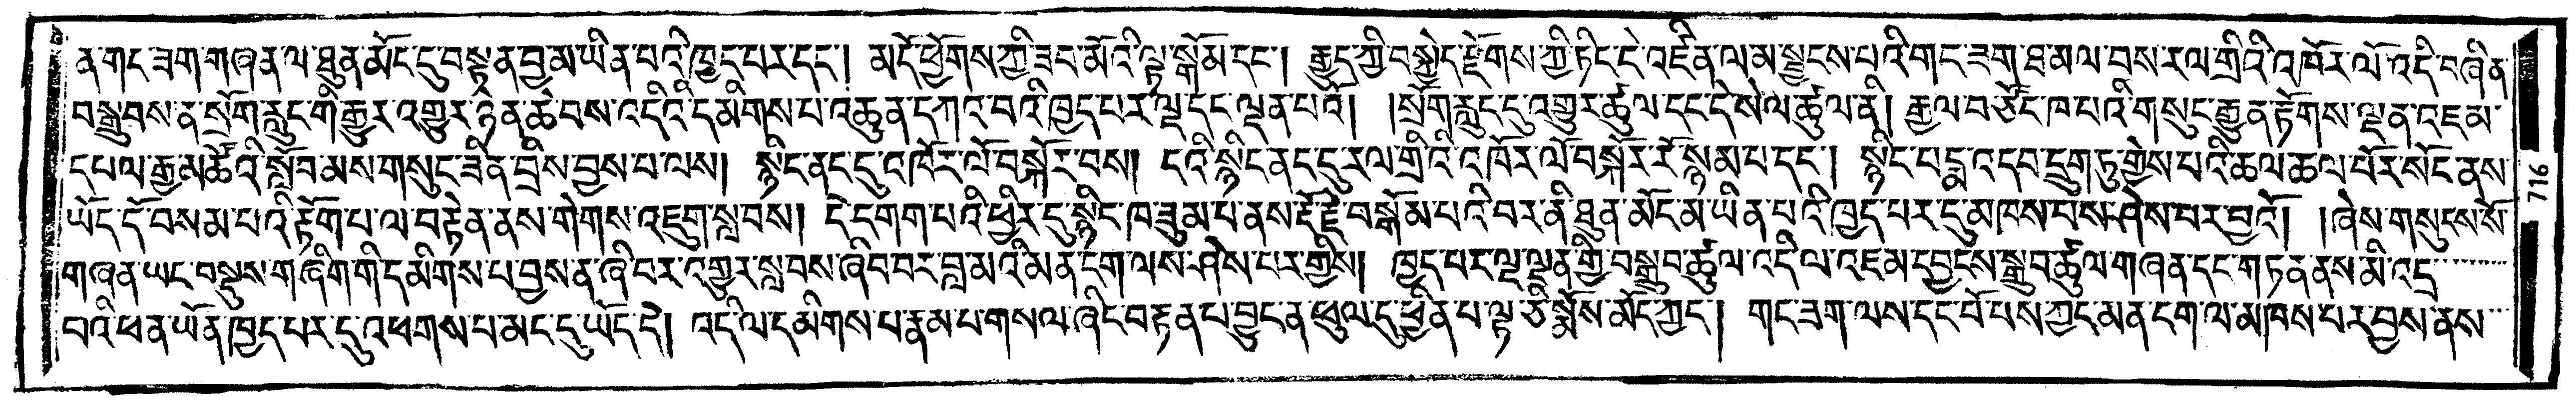ན་གང་ཟག་གཞན་ལ་ཐུན་མོང་དུ་བསྟན་བྱ་མ་ཡིན་པའི་ཁྱད་པར་དང་། མདོ་ཕྱོགས་ཀྱི་ཟབ་མོའི་ལྟ་སྒོམ་དང་། རྒྱུད་ཀྱི་བསྐྱེད་རྫོགས་ཀྱི་ཏིང་ངེ་འཛིན་ལ་མ་སྦྱངས་པའི་གང་ཟག་ཐ་མལ་བས་རལ་གྲིའི་འཁོར་ལོ་འདི་བཞིན་
བསྒྲུབས་ན་སྲོག་རླུང་གི་རྒྱུར་འགྱུར་ཉིན་ཆེ་བས་འདིའི་དམིགས་པ་འཆུང་དཀའ་བའི་ཁྱད་པར་ལྔ་དང་ལྡན་པའོ། །སྲོག་རླུང་དུ་འགྱུར་ཚུལ་དང་དེ་སེལ་ཚུལ་ནི། རྒྱལ་བ་ཙོང་ཁ་པའི་གསུང་རྒྱུན་རྟོགས་ལྡན་འཇམ་
དཔལ་རྒྱ་མཚོའི་སློབ་མས་གསུང་ཟིན་བྲིས་བྱས་བ་ལས། སྙིང་ནང་དུ་འཁོར་ལོ་བསྐོར་བས། ངའི་སྙིང་ནང་དུ་རལ་གྲིའི་འཁོར་ལོ་བསྐོར་རོ་སྙམ་པ་དང་། སྙིང་པདམ་འདབ་དྲུག་ཏུ་གྱེས་པའི་ཆལ་ཆལ་པོར་སོང་ནས་
ཡོད་དོ་བསམ་པའི་རྟོག་པ་ལ་བརྟེན་ནས་གེགས་འཇུག་སླ་བས། དེ་དགག་པའི་ཕྱིར་དུ་སྙིང་ཁ་ཟུམ་པ་ནས་རྡོ་རྗེ་བསྒོམ་པའི་བར་ནི་ཐུན་མོང་མ་ཡིན་པའི་ཁྱད་པར་དུ་མཁས་པས་ཤེས་པར་བྱའོ། །ཞེས་གསུངས་སོ་
གཞན་ཡང་བསྡུས་གཞིག་གི་དམིགས་པ་བྱས་ན་ཞི་བར་འགྱུར་སླབས་ཞིབ་བར་བླ་མའི་མན་ངག་ལས་ཤེས་པར་གྱིས། ཁྱད་པར་ལྔ་ལྡན་གྱི་བསྒྲུབ་ཚུལ་འདི་ལ་འཇམ་དབྱངས་སྒྲུབ་ཚུལ་གཞན་དང་གཏན་ནས་མི་འདྲ་
པའི་ཕན་ཡོན་ཁྱད་པར་དུ་འཕགས་པ་མང་དུ་ཡོད་དེ། འདི་ལ་དམིགས་པ་རྣམ་པ་གསལ་ཞིང་བརྟན་པ་བྱུང་ན་ཕུལ་དུ་ཕྱིན་པ་ལྟ་ཅི་སྨོས་མོད་ཀྱང་། གང་ཟག་ལས་དང་པོ་པས་ཀྱང་མན་ངག་ལ་མཁས་པར་བྱས་ནས་